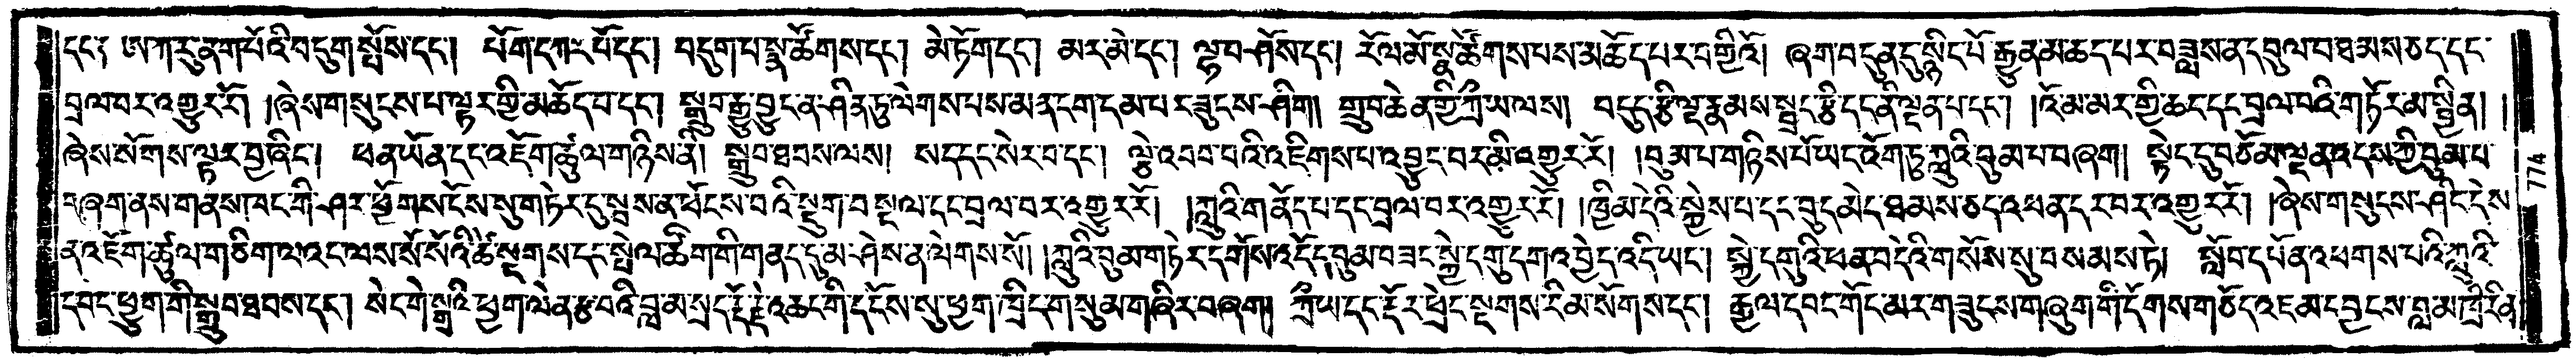དང༑ ཨ་ཀ་རུ་ནག་པོའི་བདུག་སྤོས་དང་། པོག་དཀར་པོ་དང་། བདུག་པ་སྣ་ཚོགས་དང་། མེ་ཏོག་དང་། མར་མེ་དང་། ལྷ་བཤོས་དང་། རོལ་མོ་སྣ་ཚོགས་པས་མཆོད་པར་བགྱིའོ། ཞག་བདུན་དུ་སྙིང་པོ་རྒྱུན་མ་ཆད་པར་བཟླས་ན་དབུལ་བ་ཐམས་ཅད་དང་
བྲལ་བར་འགྱུར་རོ། །ཞེས་གསུངས་པ་ལྟར་གྱི་མཆོད་པ་དང་། སྒྲུབ་རྒྱུ་བྱུང་ན་ཤིན་ཏུ་ལེགས་པས་མན་ངག་དམ་པར་ཟུངས་ཤིག། གྲུབ་ཆེན་གྱི་ཀྲྀ་ཡ་ལས། བདུད་རྩི་ལྔ་རྣམས་སྦྲང་རྩི་དང་ནི་ལྡན་པ་དང་། །འོ་མ་མར་གྱི་ཆང་དང་བྲལ་བའི་གཏོར་མ་སྦྱིན།།
ཞེས་སོགས་ལྟར་བྱ་ཞིང་། ཕན་ཡོན་དང་འཇོག་ཚུལ་གཉིས་ནི། སྒྲུབ་ཐབས་ལས། སད་དང་སེར་བ་དང་། ལྕེ་འབབ་བའི་འཇིགས་པ་འབྱུང་བར་མི་འགྱུར་རོ། །བུམ་པ་གཉིས་པོ་ཡང་འོག་ཏུ་ཀླུའི་བུམ་པ་བཞག། སྟེང་དུ་བཅོམ་ལྡན་འདས་ཀྱི་བུམ་པ་
བཞག་ནས་གནས་ཁང་གི་ཤར་ཕྱོགས་ངོས་སུ་གཏེར་དུ་སྦས་ན་ཕོངས་བའི་སྡུག་བསྔལ་དང་བྲལ་བར་འགྱུར་རོ། །ཀླུའི་གནོད་པ་དང་བྲལ་བར་འགྱུར་རོ། །ཁྱིམ་དེའི་སྐྱེས་པ་དང་བུད་མེད་ཐམས་ཅད་འཕན་དར་བར་འགྱུར་རོ། །ཞེས་གསུངས་ཤིང་དེས་
ན་འཇོག་ཚུལ་གཅིག་ལའང་ལས་སོ་སོའི་ཚེ་སྔགས་དང་སྤེལ་ཚིག་གི་གནད་དུ་མ་ཤེས་ན་ལེགས་སོ། །ཀླུའི་བུམ་གཏེར་དགོས་འདོད་བུམ་བཟང་སྐྱེ་དགུ་དགའ་བྱེད་འདི་ཡང་། སྐྱེ་དགུའི་ཕན་བདེའི་གསོས་སུ་བསམས་ཏེ། སློབ་དཔོན་འཕགས་པའི་ཀླུའི་
དབང་ཕྱུག་གི་སྒྲུབ་ཐབས་དང་། སེང་གེ་སྒྲའི་ཕྱག་ལེན་རྩ་བའི་བླ་མ་སྲད་རྡོ་རྗེ་འཆང་གི་དངོས་སུ་ཕྱག་ཁྲིད་གསུམ་གཞིར་བཞག། ཀྲྀ་ཡ་དང་རྡོར་ཕྲེང་སྔགས་རིམ་སོགས་དང་། རྒྱལ་དབང་གོང་མར་གཟུངས་གཞུག་གི་དོགས་གཅོད་འཇམ་དབྱངས་བླ་མ་ཁྲི་ཤ་